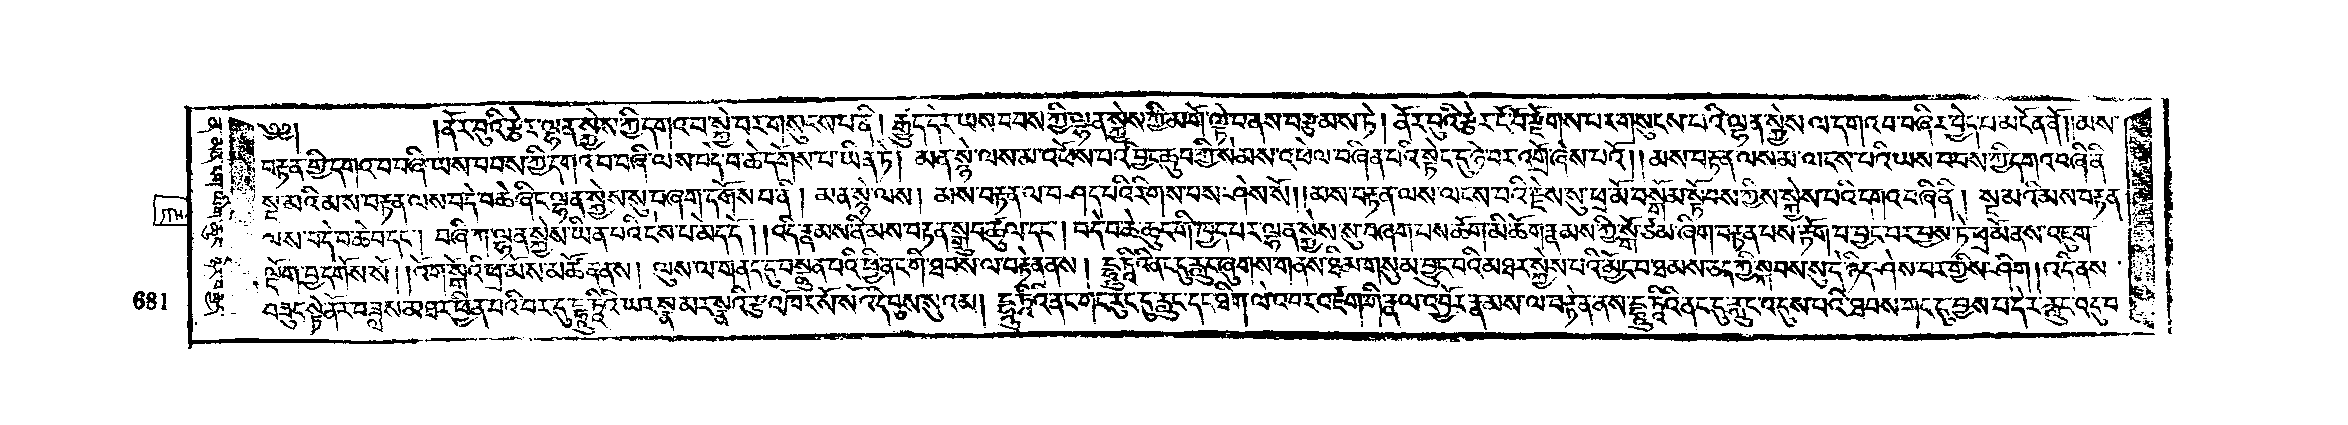༄༅། །ནོར་བུའི་རྩེར་ལྷན་སྐྱེས་ཀྱི་དགའ་བ་སྐྱེ་བར་གསུངས་པ་ནི། རྒྱུད་དེར་ཡས་བབས་ཀྱི་ལྷན་སྐྱེས་ཀྱི་མགོ་ལྟེ་བ་ནས་བརྩམས་ཏེ། ནོར་བུའི་རྩེར་ངོ་བོ་རྫོགས་པར་གསུངས་པའི་ལྷན་སྐྱེས་ལ་དགའ་བ་བཞིར་བྱེད་པ་མངོན་ནོ། །མས་
བརྟན་གྱི་དགའ་བ་བཞི་ཡས་བབས་ཀྱི་དགའ་བ་བཞི་ལས་བདེ་བ་ཆེ་དགོས་པ་ཡིན་ཏེ། མན་སྙེ་ལས་མ་འཕོས་པའི་བྱང་ཆུབ་ཀྱི་སེམས་འཕེལ་བཞིན་པའི་སྟེང་དུ་ཉེ་བར་འགྲོ་ཞེས་པའོ། །མས་བརྟན་ལས་མ་ལངས་པའི་ཡས་བབས་ཀྱི་དགའ་བཞི་ནི་
སྔ་མའི་མས་བརྟན་ལས་བདེ་བ་ཆེ་ཞིང་ལྷན་སྐྱེས་སུ་བཞག་དགོས་པ་ནི། མན་སྙེ་ལས། མས་བརྟན་ལ་བཤད་པའི་རིགས་པས་ཤེས་སོ། །མས་བརྟན་ལས་ལངས་པའི་རྗེས་སུ་ཕྲ་མོ་བསྒོམ་སྟོབས་ཀྱིས་སྐྱེས་པའི་དགའ་བཞི་ནི། སྔ་མའི་མས་བརྟན་
ལས་བདེ་བ་ཆེ་བ་དང་། བཞི་ཀ་ལྷན་སྐྱེས་ཡིན་པའི་ངེས་པ་མེད་དོ། །འདི་རྣམས་ནི་མས་བརྟན་སྒྲུབ་ཚུལ་དང་། བདེ་བ་ཆེ་ཆུང་གི་ཁྱད་པར་ལྷན་སྐྱེས་སུ་བཞག་པས་ཆོག་མི་ཆོག་རྣམས་ཀྱི་སྒོ་ཙམ་ཞིག་བརྟན་པས་རྟོག་པ་བྱང་བར་བྱས་ཏེ་ཕྲ་མོ་ནས་འཇུག་
ལྡོག་བྱ་དགོས་སོ། །འོག་སྒོའི་ཕྲ་མོས་མཚོན་ནས། ལུས་ལ་གནང་དུ་བསྣུན་པའི་ཕྱི་ནང་གི་ཐབས་ལ་བརྟེན་ནས། དྷཱུ་ཏཱིའི་ནང་དུ་རླུང་ཞུགས་གནས་ཐིམ་གསུམ་བྱུང་བའི་མཐར་སྐྱེས་པའི་མྱོང་བ་ཐམས་ཅད་ཀྱི་སྐབས་སུ་དེ་ཉིད་ཤེས་པར་གྱིས་ཤིག །འདི་ནས་
བཟུང་སྟེ་རྡོར་བཟླས་མཐར་ཕྱིན་པའི་བར་དུ་དྷཱུ་ཏཱིའི་ཡར་སྣ་མར་སྣའི་རྩ་འཁོར་སོ་སོའི་དབུས་སུའམ། དྷཱུ་ཏཱིའི་ནང་གང་རུང་དུ་རླུང་དང་ཐིག་ལེ་འབར་འཛག་གི་རྣལ་འབྱོར་རྣམས་ལ་བརྟེན་ནས་དྷཱུ་ཏཱིའི་ནང་དུ་རླུང་འདུས་པའི་ཐབས་གང་དུ་བྱས་པ་དེར་རླུང་འདུ་བ་